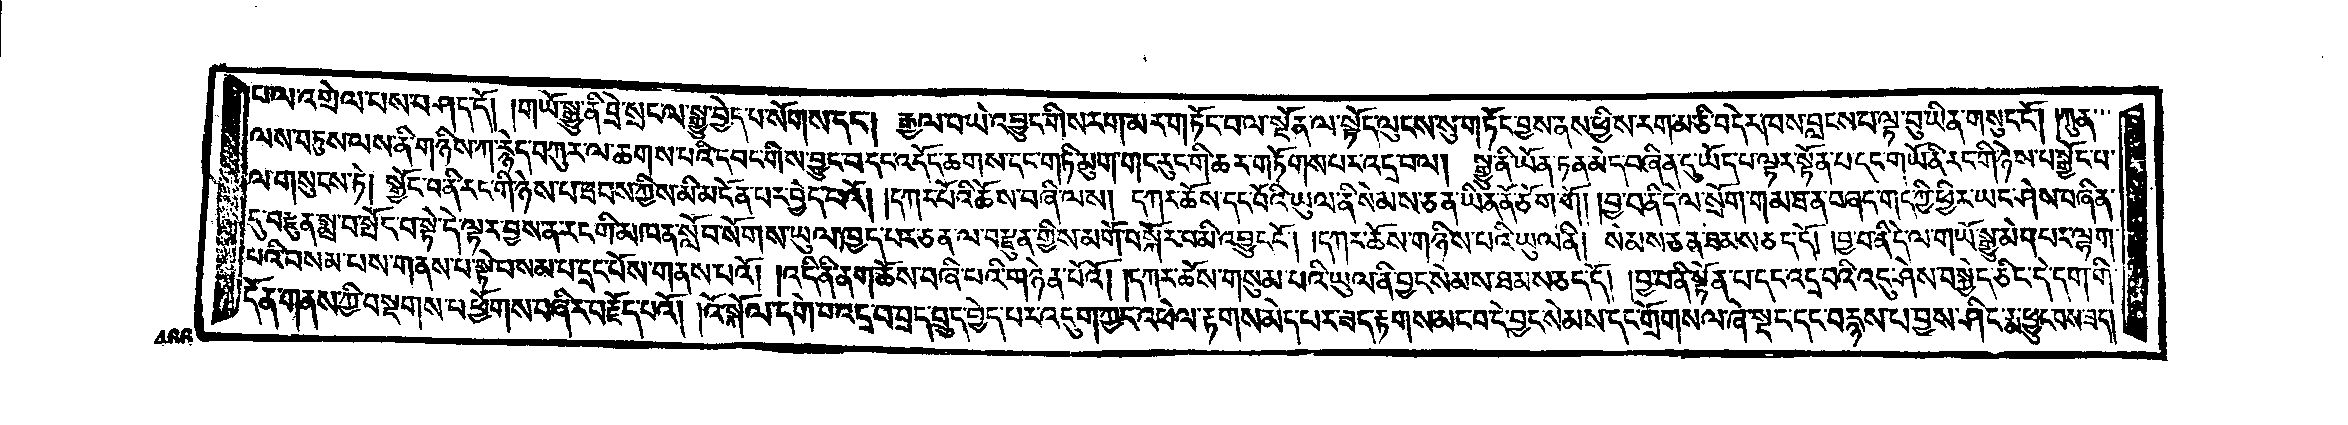པ་ལ་འགྲེལ་པས་བཤད་དོ། །གཡོ་སྒྱུ་ནི་བྲེ་སྲང་ལ་སྒྱུ་བྱེད་པ་སོགས་དང་། རྒྱལ་བ་ཡེ་འབྱུང་གིས་རག་མར་གཏོང་བ་ལ་སྔོན་ལ་སྟོད་ལུངས་སུ་གཏོང་བྱས་ནས་ཕྱིས་རག་མ་ཅི་བདེར་ཁས་བླངས་པ་ལྟ་བུ་ཡིན་གསུང་ངོ། །ཀུན་
ལས་བཏུས་ལས་ནི་གཉིས་ཀ་རྙེད་བཀུར་ལ་ཆགས་པའི་དབང་གིས་བྱུང་བ་དང་འདོད་ཆགས་དང་གཏི་མུག་གང་རུང་གི་ཆར་གཏོགས་པར་འདྲ་བ་ལ། སྒྱུ་ནི་ཡོན་ཏན་མེད་བཞིན་དུ་ཡོད་པ་ལྟར་སྟོན་པ་དང་གཡོ་ནི་རང་གི་ཉེས་པ་སྒྱོང་བ་
ལ་གསུངས་ཏེ། སྒྱོང་བ་ནི་རང་གི་ཉེས་པ་ཐབས་ཀྱིས་མི་མངོན་པར་བྱེད་པའོ། །དཀར་པོའི་ཆོས་བཞི་ལས། དཀར་ཆོས་དང་པོའི་ཡུལ་ནི་སེམས་ཅན་ཡིན་ནོ་ཅོག་གོ། །བྱ་བ་ནི་དེ་ལ་སྲོག་གམ་ཐན་བཞད་གད་ཀྱི་ཕྱིར་ཡང་ཤེས་བཞིན་
དུ་བརྫུན་སྨྲ་བ་སྤོང་བ་སྟེ་དེ་ལྟར་བྱས་ན་རང་གི་མཁན་སློབ་སོགས་ཡུལ་ཁྱད་པར་ཅན་ལ་བརྫུན་གྱིས་མགོ་བསྐོར་བ་མི་འབྱུང་ངོ། །དཀར་ཆོས་གཉིས་པའི་ཡུལ་ནི། སེམས་ཅན་ཐམས་ཅད་དོ། །བྱ་བ་ནི་དེ་ལ་གཡོ་སྒྱུ་མེད་པར་ལྷག་
པའི་བསམ་པས་གནས་པ་སྟེ་བསམ་པ་དྲང་པོས་གནས་པའོ། །འདི་ནི་ནག་ཆོས་བཞི་པའི་གཉེན་པོའོ། །དཀར་ཆོས་གསུམ་པའི་ཡུལ་ནི་བྱང་སེམས་ཐམས་ཅད་དོ། །བྱ་བ་ནི་སྟོན་པ་དང་འདྲ་བའི་འདུ་ཤེས་བསྐྱེད་ཅིང་དེ་དག་གི་
དོན་གནས་ཀྱི་བསྔགས་པ་ཕྱོགས་བཞིར་བརྗོད་པའོ། །འོ་སྐོལ་དགེ་བ་འདྲ་བ་བྲད་བྲུད་བྱེད་པར་འདུག་ཀྱང་འཕེལ་རྟགས་མེད་པར་ཟད་རྟགས་མང་བ་དེ་བྱང་སེམས་དང་གྲོགས་ལ་ཞེ་སྡང་དང་བརྙས་པ་བྱས་ཤིང་རྨ་ཕྱུང་བས་ཟད།